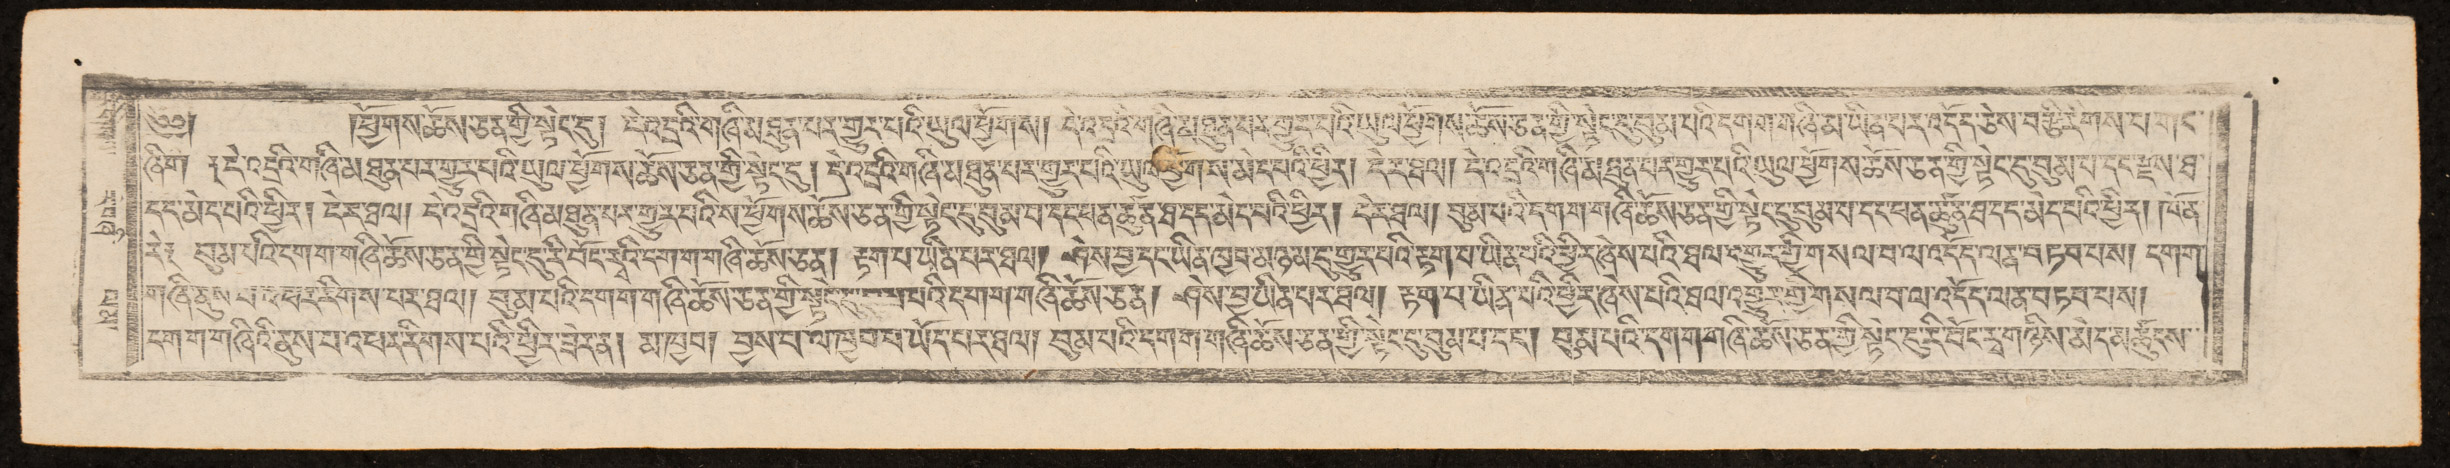༄༅། །ཕྱོགས་ཆོས་ཅན་གྱི་སྟེང་དུ། དེ་འདྲའི་གཞི་མཐུན་པར་གྱུར་པའི་ཡུལ་ཕྱོགས། དེ་འདྲའི་གཞི་མཐུན་པར་གྱུར་པའི་ཡུལ་ཕྱོགས་ཆོས་ཅན་གྱི་སྟེང་དུ་བུམ་པའི་དགག་གཞི་མ་ཡིན་པར་འདོད་ཅེས་བརྩི་རིགས་པ་གང་
ཞིག །དེ་འདྲའི་གཞི་མཐུན་པར་གྱུར་པའི་ཡུལ་ཕྱོགས་ཆོས་ཅན་གྱི་སྟེང་དུ། དེ་འདྲའི་གཞི་མཐུན་པར་གྱུར་པའི་ཡུལ་ཕྱོགས་མེད་པའི་ཕྱིར། དེར་ཐལ། དེ་འདྲའི་གཞི་མཐུན་པར་གྱུར་པའི་ཡུལ་ཕྱོགས་ཆོས་ཅན་གྱི་སྟེང་དུ་བུམ་པ་དང་རྫས་ཐ་
དད་མེད་པའི་ཕྱིར། དེར་ཐལ། དེ་འདྲའི་གཞི་མཐུན་པར་གྱུར་པའི་ས་ཕྱོགས་ཆོས་ཅན་གྱི་སྟེང་དུ་བུམ་པ་དང་ཕན་ཚུན་ཐ་དད་མེད་པའི་ཕྱིར། དེར་ཐལ། བུམ་པའི་དགག་གཞི་ཆོས་ཅན་གྱི་སྟེང་དུ་བུམ་པ་དང་ཕན་ཚུན་ཐ་དད་མེད་པའི་ཕྱིར། ཁོ་ན་
རེ། བུམ་པའི་དགག་གཞི་ཆོས་ཅན་གྱི་སྟེང་དུ་རི་བོང་རྭའི་དགག་གཞི་ཆོས་ཅན། རྟག་པ་ཡིན་པར་ཐལ། ཤེས་བྱ་དང་ཡིན་ཁྱབ་མཉམ་དུ་གྱུར་པའི་རྟག་པ་ཡིན་པའི་ཕྱིར་ཞེས་པའི་ཐལ་འགྱུར་གྱི་གསལ་བ་ལ་འདོད་ལན་བཏབ་པས། དགག་
གཞི་ནུས་པ་འཕར་རིགས་པར་ཐལ། བུམ་པའི་དགག་གཞི་ཆོས་ཅན་གྱི་སྟེང་དུ་བུམ་པའི་དགག་གཞི་ཆོས་ཅན། ཤེས་བྱ་ཡིན་པར་ཐལ། རྟག་པ་ཡིན་པའི་ཕྱིར་ཞེས་པའི་ཐལ་འགྱུར་གྱི་གསལ་བ་ལ་འདོད་ལན་བཏབ་པས།
དགག་གཞིའི་ནུས་པ་འཕར་རིགས་པའི་ཕྱིར་ཟེར་ན། མ་ཁྱབ། བྱས་པ་ལ་ཁྱབ་པ་ཡོད་པར་ཐལ། བུམ་པའི་དགག་གཞི་ཆོས་ཅན་གྱི་སྟེང་དུ་བུམ་པ་དང་། བུམ་པའི་དགག་གཞི་ཆོས་ཅན་གྱི་སྟེང་དུ་རི་བོང་རVཨ་གཉིས་མེད་མཚུངས་